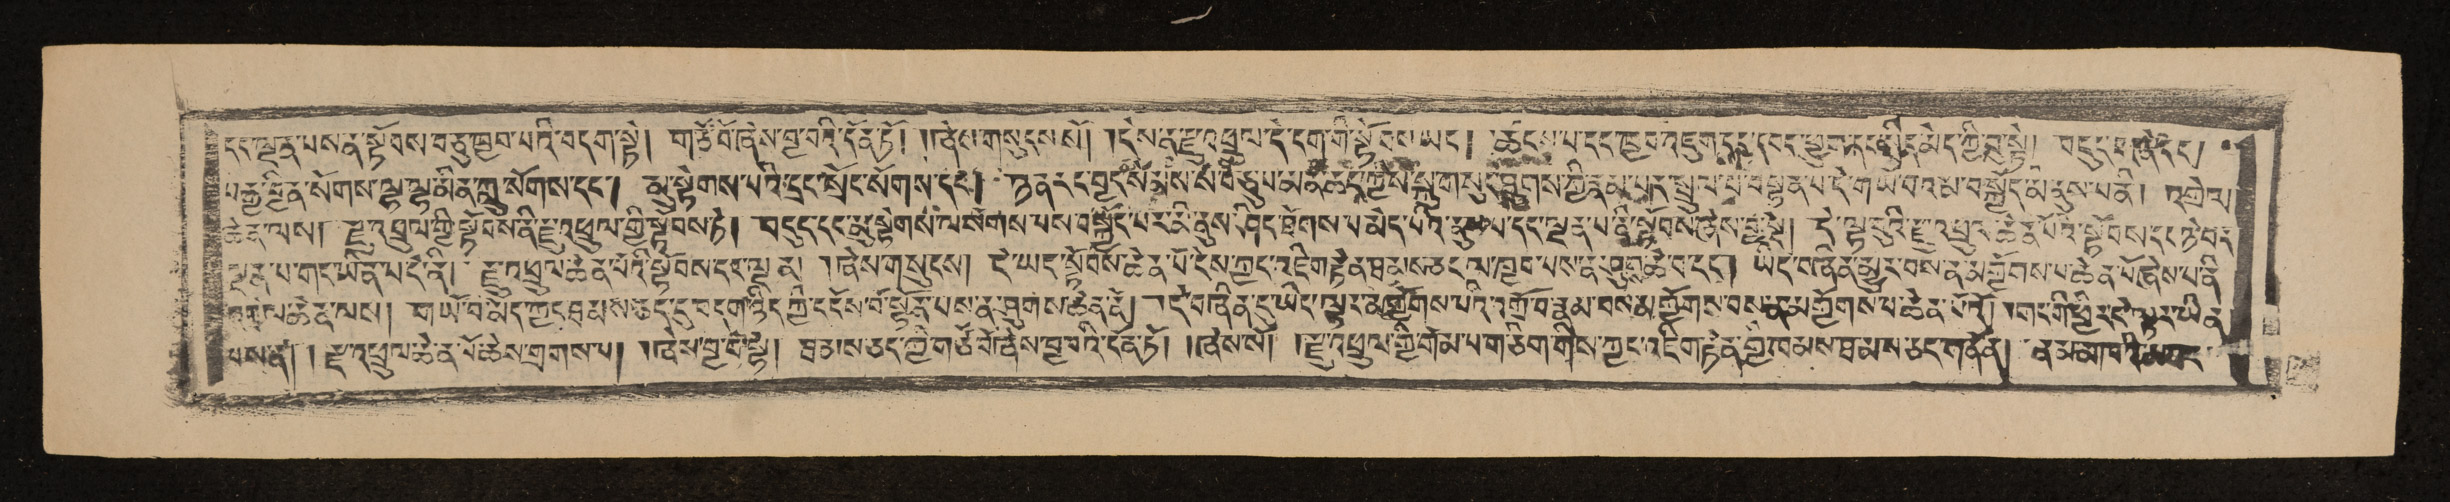དང་ལྡན་པས་ན་སྟོབས་བཅུ་ཁྱབ་པའི་བདག་སྟེ། གཙོ་བོ་ཞེས་བྱ་བའི་དོན་ཏོ། །ཞེས་གསུངས་སོ། །དེས་ན་རྫུ་འཕྲུལ་དེ་དག་གི་སྟོབས་ཡང་། ཚངས་པ་དང་ཁྱབ་འཇུག་དང་དབང་ཕྱུག་དང་སྲེད་མེད་ཀྱི་བུ་སྟེ། བདུད་བཞི་དང་།
བརྒྱ་བྱིན་སོགས་ལྷ་ལྷ་མིན་ཀླུ་སོགས་དང་། མུ་སྟེགས་པའི་དྲང་སྲོང་སོགས་དང་། ཉན་རང་བྱང་སེམས་ས་བཅུ་པ་མན་ཆད་ཀྱིས་སྐུ་གསུང་ཐུགས་ཀྱི་རྣམ་པར་སྤྲུལ་པ་བསྟན་པ་དེ་གཡོ་བའམ་བསྐྱོད་མི་ནུས་པ་ནི། འགྲེལ་
ཆེན་ལས། རྫུ་འཕྲུལ་གྱི་སྟོབས་ནི་རྫུ་འཕྲུལ་གྱི་སྟོབས་ཏེ། བདུད་དང་མུ་སྟེགས་ལ་སོགས་པས་བསྐྱོད་པར་མི་ནུས་ཤིང་ཐོགས་པ་མེད་པའི་ནུས་པ་དང་ལྡན་པ་ནི་སྟོབས་ཞེས་བྱ་སྟེ། དེ་ལྟ་བུའི་རྫུ་འཕྲུལ་ཆེན་པོའི་སྟོབས་དང་ཉེ་བར་
ལྡན་པ་གང་ཡིན་པ་དེ་ནི། རྫུ་འཕྲུལ་ཆེན་པོའི་སྟོབས་དང་ལྡན། །ཞེས་གསུངས། དེ་ཡང་སྟོབས་ཆེན་པོ་ངེས་ཀྱང་འཇིག་རྟེན་ཐམས་ཅད་ལ་ཁྱབ་པས་ན་ཤུགས་ཆེ་བ་དང་། ཡིད་བཞིན་མྱུར་བས་ན་མགྱོགས་པ་ཆེན་པོ་ཞེས་པ་ནི།
འགྲེལ་ཆེན་ལས། གཡོ་བ་མེད་ཀྱང་ཐམས་ཅད་དུ་བདག་ཉིད་ཀྱི་དངོས་པོ་སྟོན་པས་ན་ཤུགས་ཆེན་ནོ། །དེ་བཞིན་དུ་ཡིད་ལྟར་མགྱོགས་པའི་འགྲོ་བ་རྣམ་པས་མགྱོགས་པས་ན་མགྱོགས་པ་ཆེན་པོའོ། །གང་གི་ཕྱིར་དེ་ལྟར་ཡིན་
པས་ན། རྫུ་འཕྲུལ་ཆེན་པོ་ཆེས་གྲགས་པ། །ཞེས་བྱ་བ་སྟེ། ཐམས་ཅད་ཀྱི་གཙོ་བོ་ཞེས་བྱ་བའི་དོན་ཏོ། །ཞེས་སོ། །རྫུ་འཕྲུལ་གྱི་གོམ་པ་གཅིག་གིས་ཀྱང་འཇིག་རྟེན་གྱི་ཁམས་ཐམས་ཅད་གནོན། ནམ་མཁའི་མཐར་